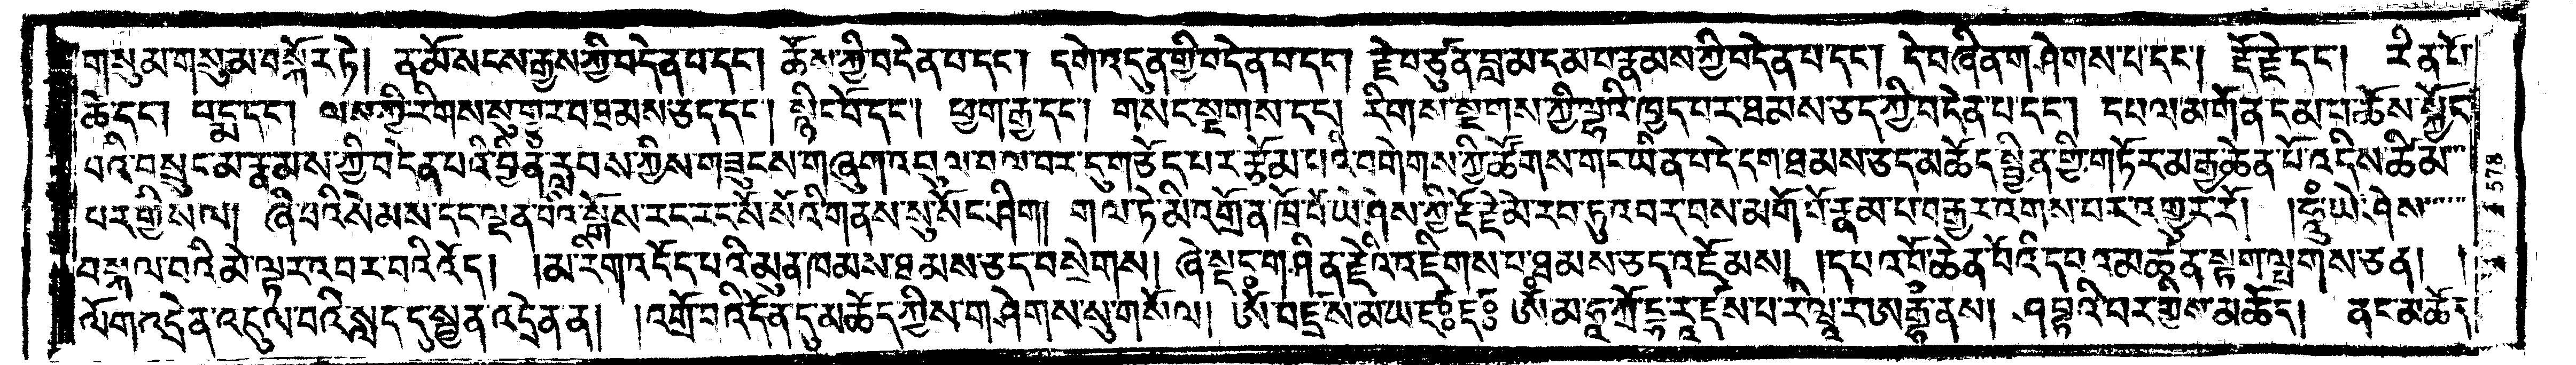གསུམ་གསུམ་བསྐོར་ཏེ། ན་མོ་སངས་རྒྱས་ཀྱི་བདེན་པ་དང་། ཆོས་ཀྱི་བདེན་པ་དང་། དགེ་འདུན་གྱི་བདེན་པ་དང་། རྗེ་བཙུན་བླ་མ་དམ་པ་རྣམས་ཀྱི་བདེན་པ་དང་། དེ་བཞིན་གཤེགས་པ་དང་། རྡོ་རྗེ་དང་། རིན་པོ་
ཆེ་དང་། པདམ་དང་། ལས་ཀྱི་རིགས་སུ་གྱུར་བ་ཐམས་ཅད་དང་། སྙིང་པོ་དང་། ཕྱག་རྒྱ་དང་། གསང་སྔགས་དང་། རིགས་སྔགས་ཀྱི་ལྷའི་ཁྱད་པར་ཐམས་ཅད་ཀྱི་བདེན་པ་དང་། དཔལ་མགོན་དམ་པ་ཆོས་སྐྱོང་
བའི་བསྲུང་མ་རྣམས་ཀྱི་བདེན་བའི་བྱིན་རླབས་ཀྱིས་གཟུངས་གཞུག་འབུལ་བ་ལ་བར་དུ་གཅོད་པར་རྩོམ་པའི་བགེགས་ཀྱི་ཚོགས་གང་ཡིན་པ་དེ་དག་ཐམས་ཅད་མཆོད་སྦྱིན་གྱི་གཏོར་མ་རྒྱ་ཆེན་པོ་འདིས་ཚིམ་
པར་གྱིས་ལ། ཞི་བའི་སེམས་དང་ལྡན་བའི་སྒོས་རང་རང་སོ་སོའི་གནས་སུ་སོང་ཤིག། གལ་ཏེ་མི་འགྲོ་ན་ཁྲོ་བོ་ཡེ་ཤེས་ཀྱི་རྡོ་རྗེ་མེ་རབ་ཏུ་འབར་བས་མགོ་པོ་རྣམ་པ་བརྒྱར་འགས་བར་འགྱུར་རོ། །ཧཱུཾ་ཡེ་ཤེས་
བསྐལ་བའི་མེ་ལྟར་འབར་བའི་འོད། །མ་རིག་འདོད་པའི་མུན་ཁམས་ཐམས་ཅད་བསྲེགས། ཞེ་སྡང་གཤིན་རྗེའི་འཇིགས་པ་ཐམས་ཅད་འཇོམས། །དཔའ་བོ་ཆེན་བོའི་དཔའ་མཚན་སྟག་ལྤགས་ཅན། །
ལོག་འདྲེན་འདུལ་བའི་སླད་དུ་སྦྱན་འདྲེན་ན། །འགྲོ་བའི་དོན་དུ་མཆོད་ཀྱིས་གཤེགས་སུ་གསོལ། ཨོཾ་བཛྲ་ས་མ་ཡ་ཛཿ ཛཿ ཨོཾ་མ་ཧཱ་ཀྲོ་དྷ་རཱ་ཛ་ས་པ་རི་ཝཱ་ར་ཨརྒྷཾ་ནས། ཤབྷའི་པར་གྱིས་མཆོད། ནང་མཆོད་